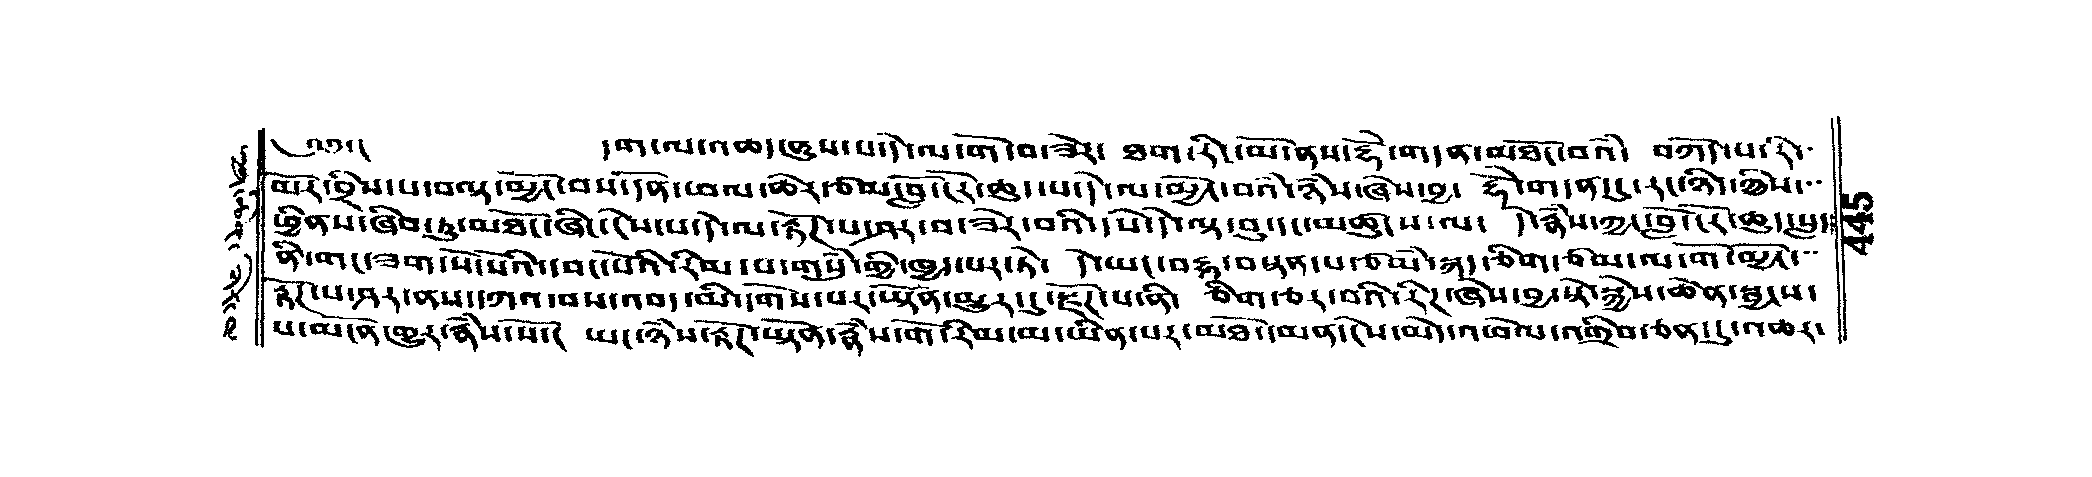དག་ལ་འཆད་ནུས་པ་དེ་ལ་གོ་བ་ཟེར། ཐག་རིང་མོ་ནས་རྡོ་རྗེ་གདན་མཐོང་བའམ། བཀོད་པ་རི་
མོར་བྲིས་པ་བལྟ་མྱོང་བས་དོན་ཕལ་ཆེར་ཙམ་བློ་ངོར་ཆུད་པ་དེ་ལ་མྱོང་བའམ་ཉམས་ཞེས་བྱ། རྡོ་རྗེ་གདན་དུ་རང་ཉིད་ཀྱིས་
ཕྱིན་ནས་ཞིབ་ཏུ་མཐོང་ཞིང་ངེས་པ་དེ་ལ་རྟོགས་པ་ཤར་བ་ཟེར་བའི་དཔེ་དེ་ལྟ་བུ་དང་མཚུངས་ལ། དེ་རྣམས་ཀྱང་བློ་ངོར་ཆུད་དཀའ་སླ་
ནི་གང་ཟག་སོ་སོའི་དབང་པོའི་རིམ་པ་གསུམ་གྱི་ཁྱད་པར་ཏེ། དེ་ཡང་བརྡ་བསྟན་པ་ཙམ་མམ་སྐད་ཅིག་ཙམ་ལ་གོ་མྱོང་
རྟོགས་པ་ཤར་ནས་དཀའ་བས་འབད་མི་དགོས་པར་ཡོན་ཏན་མྱུར་དུ་རྫོགས་པ་ནི། ཅིག་ཅར་བའི་རིགས་ཞེས་བྱ་སྟེ་སྐྱེས་ཆེན་སྦྱངས་
པ་མངོན་གྱུར་རྣམས་སོ། ཡང་ཉམས་རྟོགས་ཡོན་ཏན་རྣམས་གོ་རིམ་མ་ཡིན་པར་མཐོ་དམན་ངེས་མེད་འཕེལ་འགྲིབ་ཅན་དུ་འཆར་